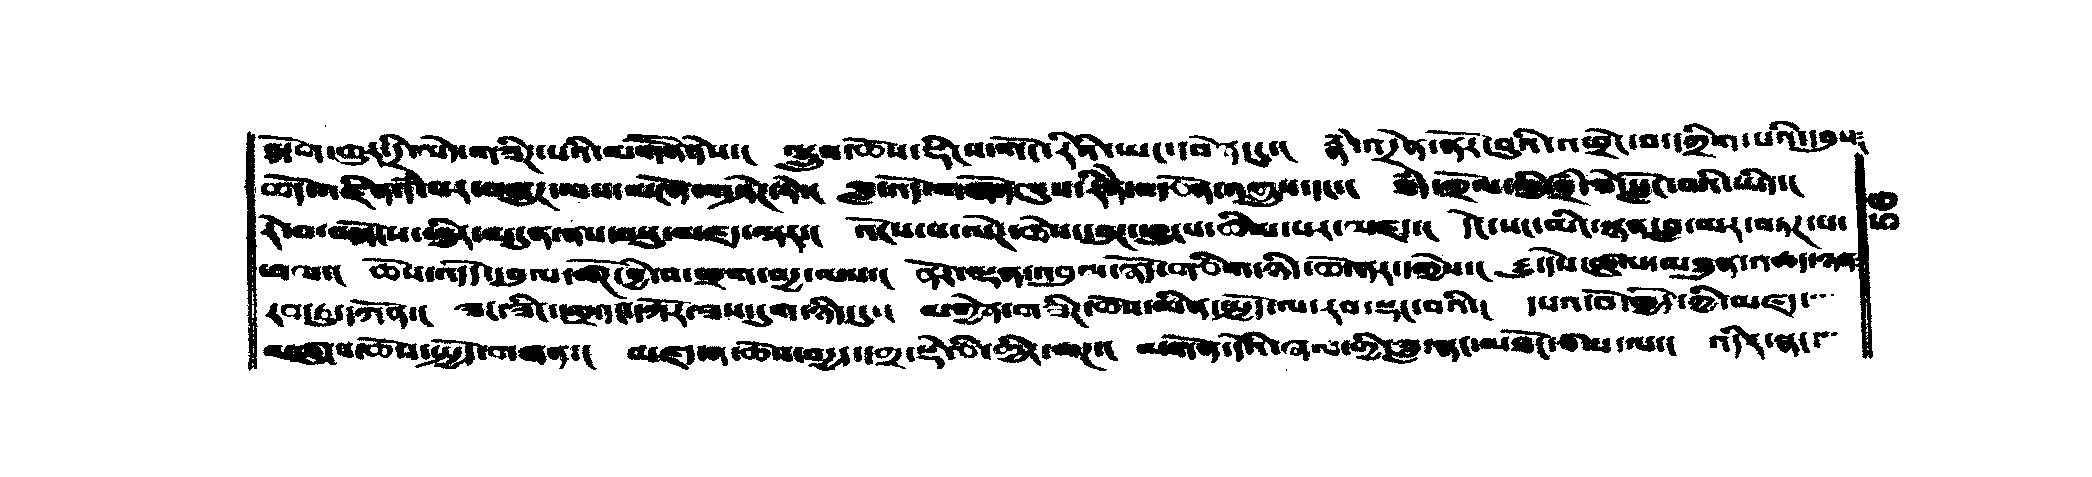།ལྐོག་གྱུར་དྲི་མེད་གཟིགས་པའི་མགོན་པོ་ཞེས། །ལྷུན་གྲུབ་ཆོས་སྡིངས་གོང་རིའི་ཡང་དབེན་དུ། །རྣམ་འདྲེན་ནོར་བུའི་འཕྲེང་བ་དཀྲིགས་པའི་དབུས། །
མདོ་འཛིན་དམ་པར་བཞུགས་པས་མངོན་གཤེགས་ཏེ། །ཟླ་འོད་གཞོན་ནུས་རིན་ཆེན་བརྩོན་འགྲུས་དང་། །ཐམས་ཅད་གྲོལ་གྱིས་བྲམ་ཟེ་སློང་མའི་ཡིད། །
རེ་བ་བསྐོང་ཕྱིར་མདུན་ནས་བསུ་མཛད་ལྟར། །འོངས་པ་ལེགས་ཞེས་དབུགས་དབྱུངས་ཚིམ་པར་མཛད། །དེང་སང་མིང་སྙན་བླ་མར་བཏགས་པ་
ཕལ། །ཆོས་འདོད་དབུལ་ཚོགས་བྱེ་བ་ཕྲག་བརྒྱ་ལས། །ནོར་ལྡན་འབུལ་ནོད་གཅིག་ཉིད་ཁོ་ནར་དགྱེས། །རྒྱུ་དེས་ཚུལ་མཐུན་འཆད་ཉན་
རབ་ཏུ་དཀོན། །ཟང་ཟིང་དགྲ་དང་དཀོར་ཟས་དུག་ཉིད་དུ། །མཁྱེན་གཟིགས་ཆོས་མིན་སྤྱོད་ལ་རབ་སྡང་བའི། །དཔའ་བོ་ཁྱོད་ཀྱི་མཛད་
མཚུང་ཆོས་སྤྱོད་གཞན། །མཛད་ན་ཆོས་བརྒྱད་དགྲ་སྡེ་ཅི་ཕྱིར་ཆགས། །མགོན་དེའི་ཞལ་གྱི་ཟླ་སྣང་མཐོང་ཙམ་ལ། །འདིར་སྣང་